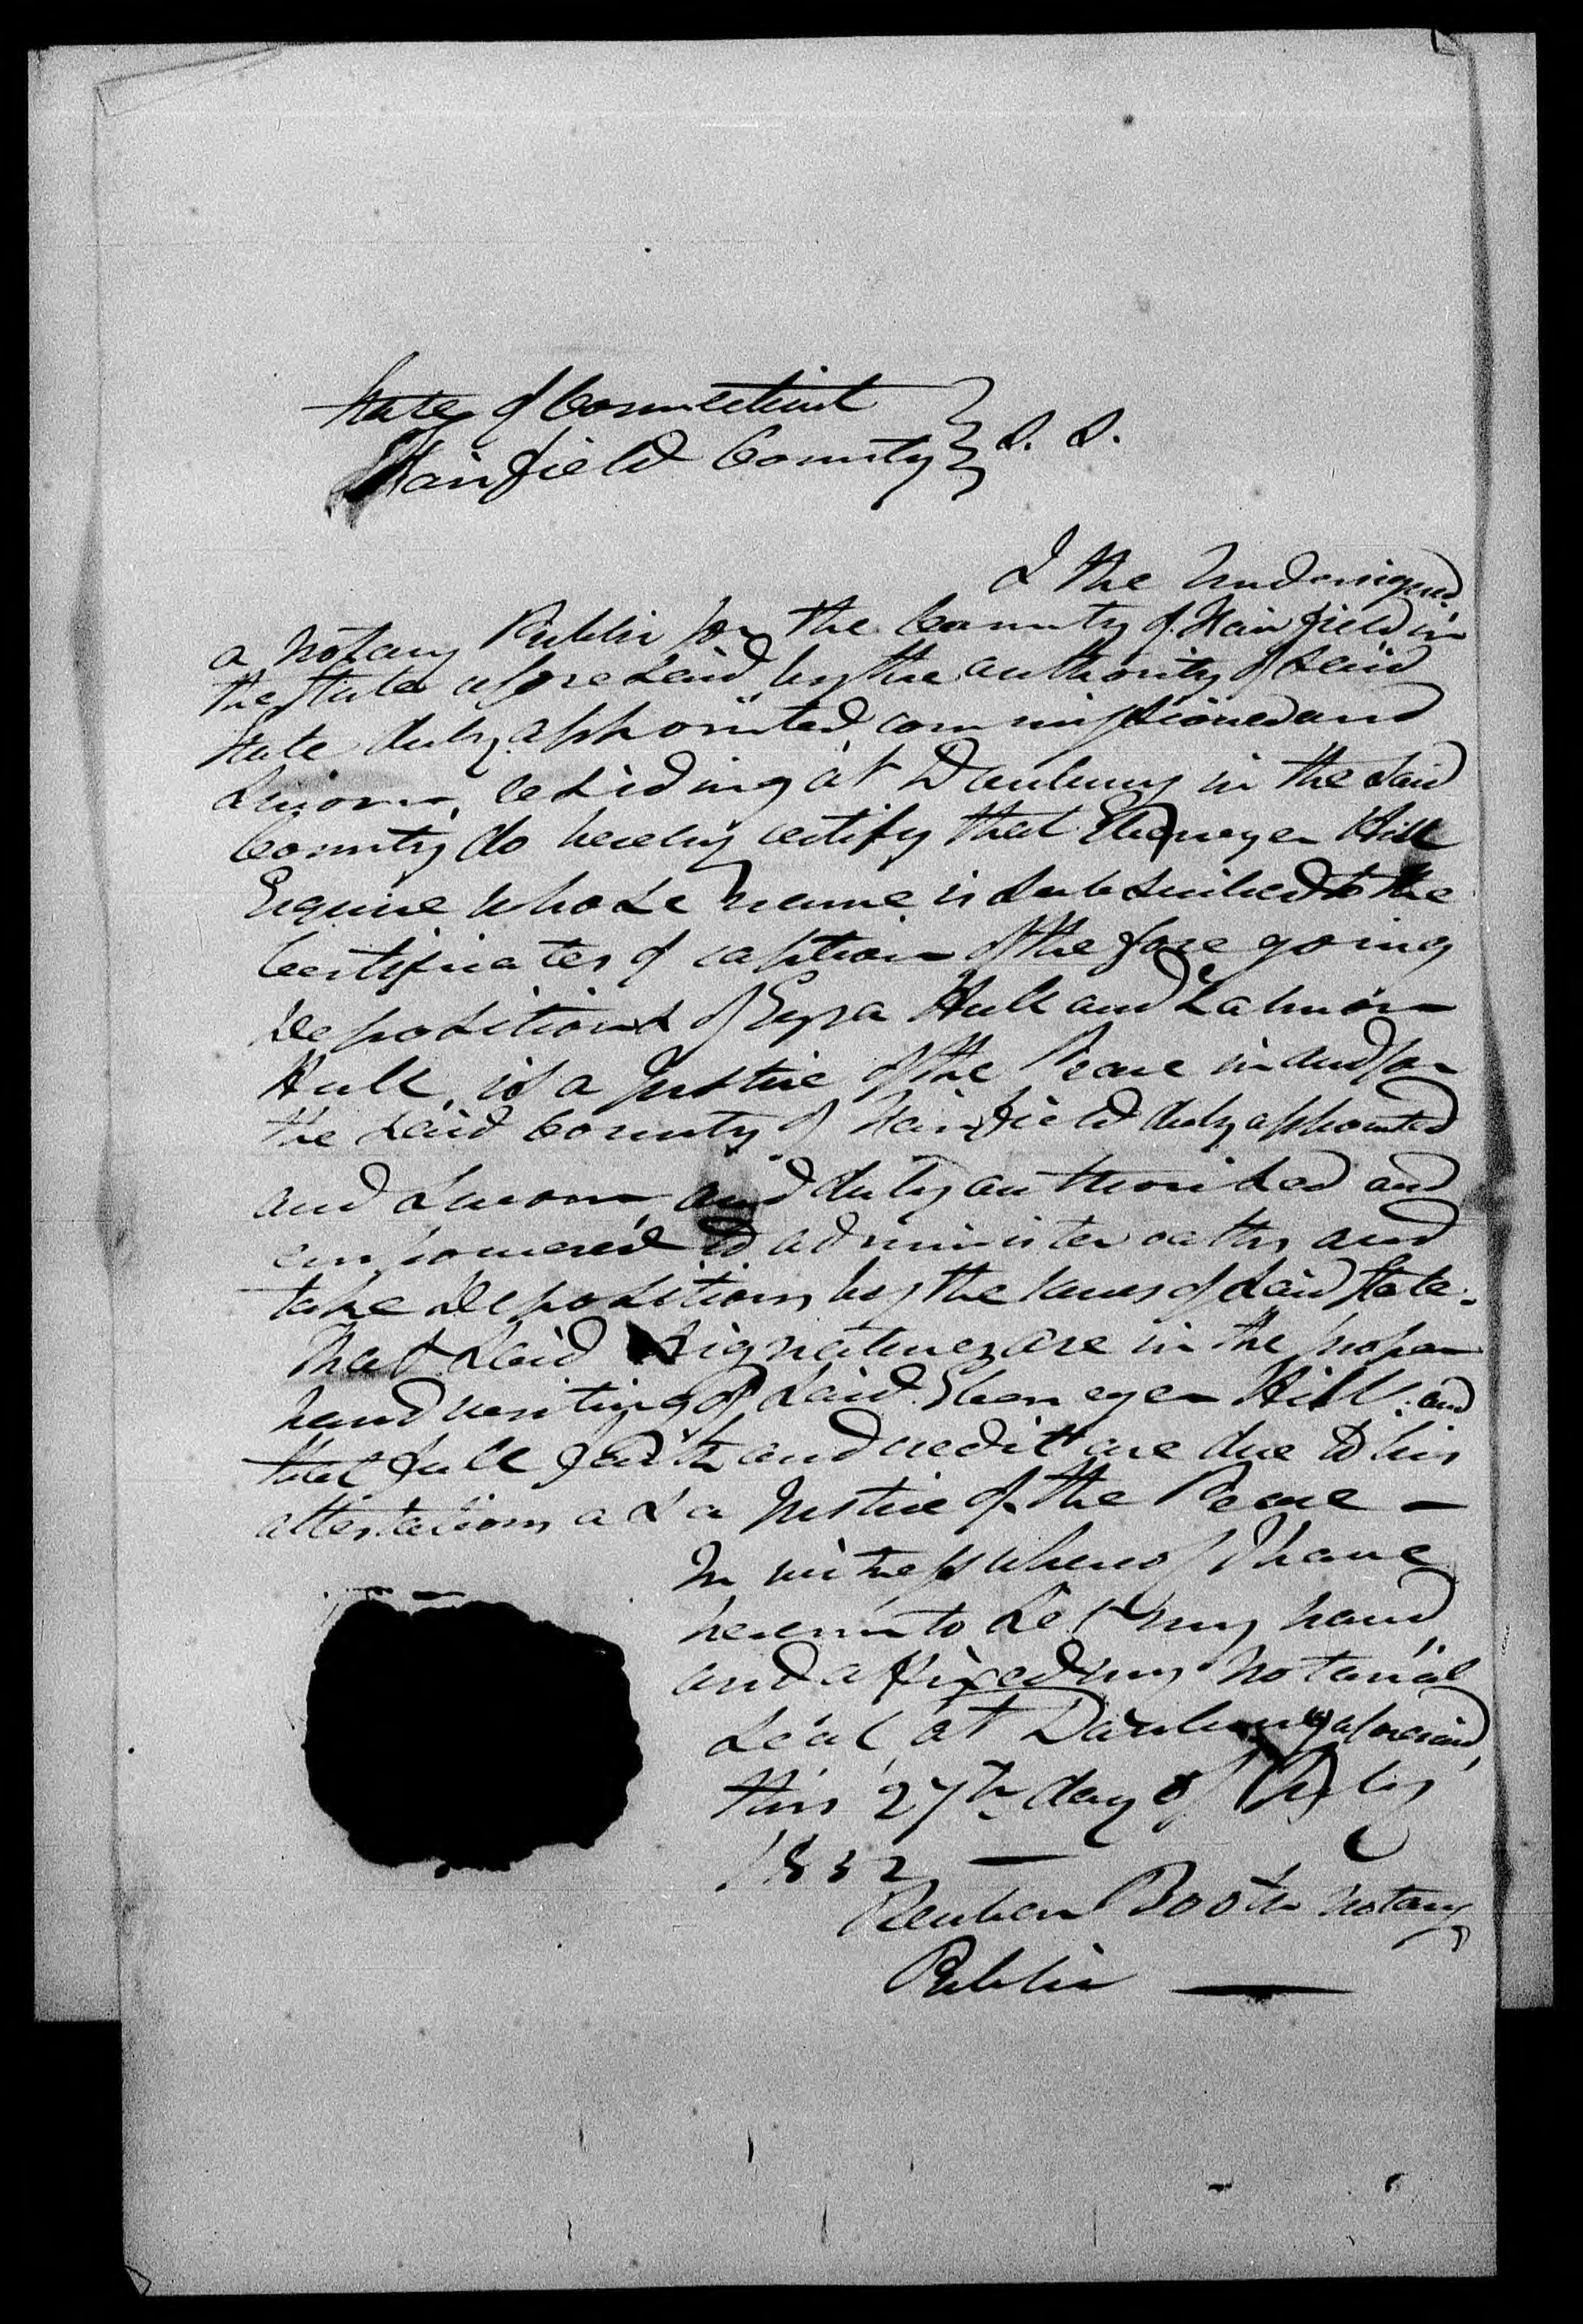State of Connecticut 
Fairfield County } SS 
I the undersigned a Notary Public for the County of Fairfield in the State aforesaid by the authority of said State duly appointed commissioned and Sworn, residing at Danbury in the said County do hereby certify that Ebenezer Hill Esquire whose name is subscribed to the Certificates of caption of the foregoing Depositions of Ezra Hull and Zalmon Hull, is a Justice of the Peace in and for the said County of Fairfield duly appointed and sworn and duly authorized and empowered to administer oaths and take depositions by the laws of said State that said signatures are in the proper hand writing of said Ebenezer Hill and that full faith and credit are due to his attestations as a Justice of the Peace. 
In witness whereof I have hereunto set my hand and affixed my notarial Seal at Danbury aforesaid this 27th day of July 1832 – 
Reuben Booth Notary Public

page: 19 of 29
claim: survivor's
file: S. 23,312, for Samuel Mallery, Connecticut